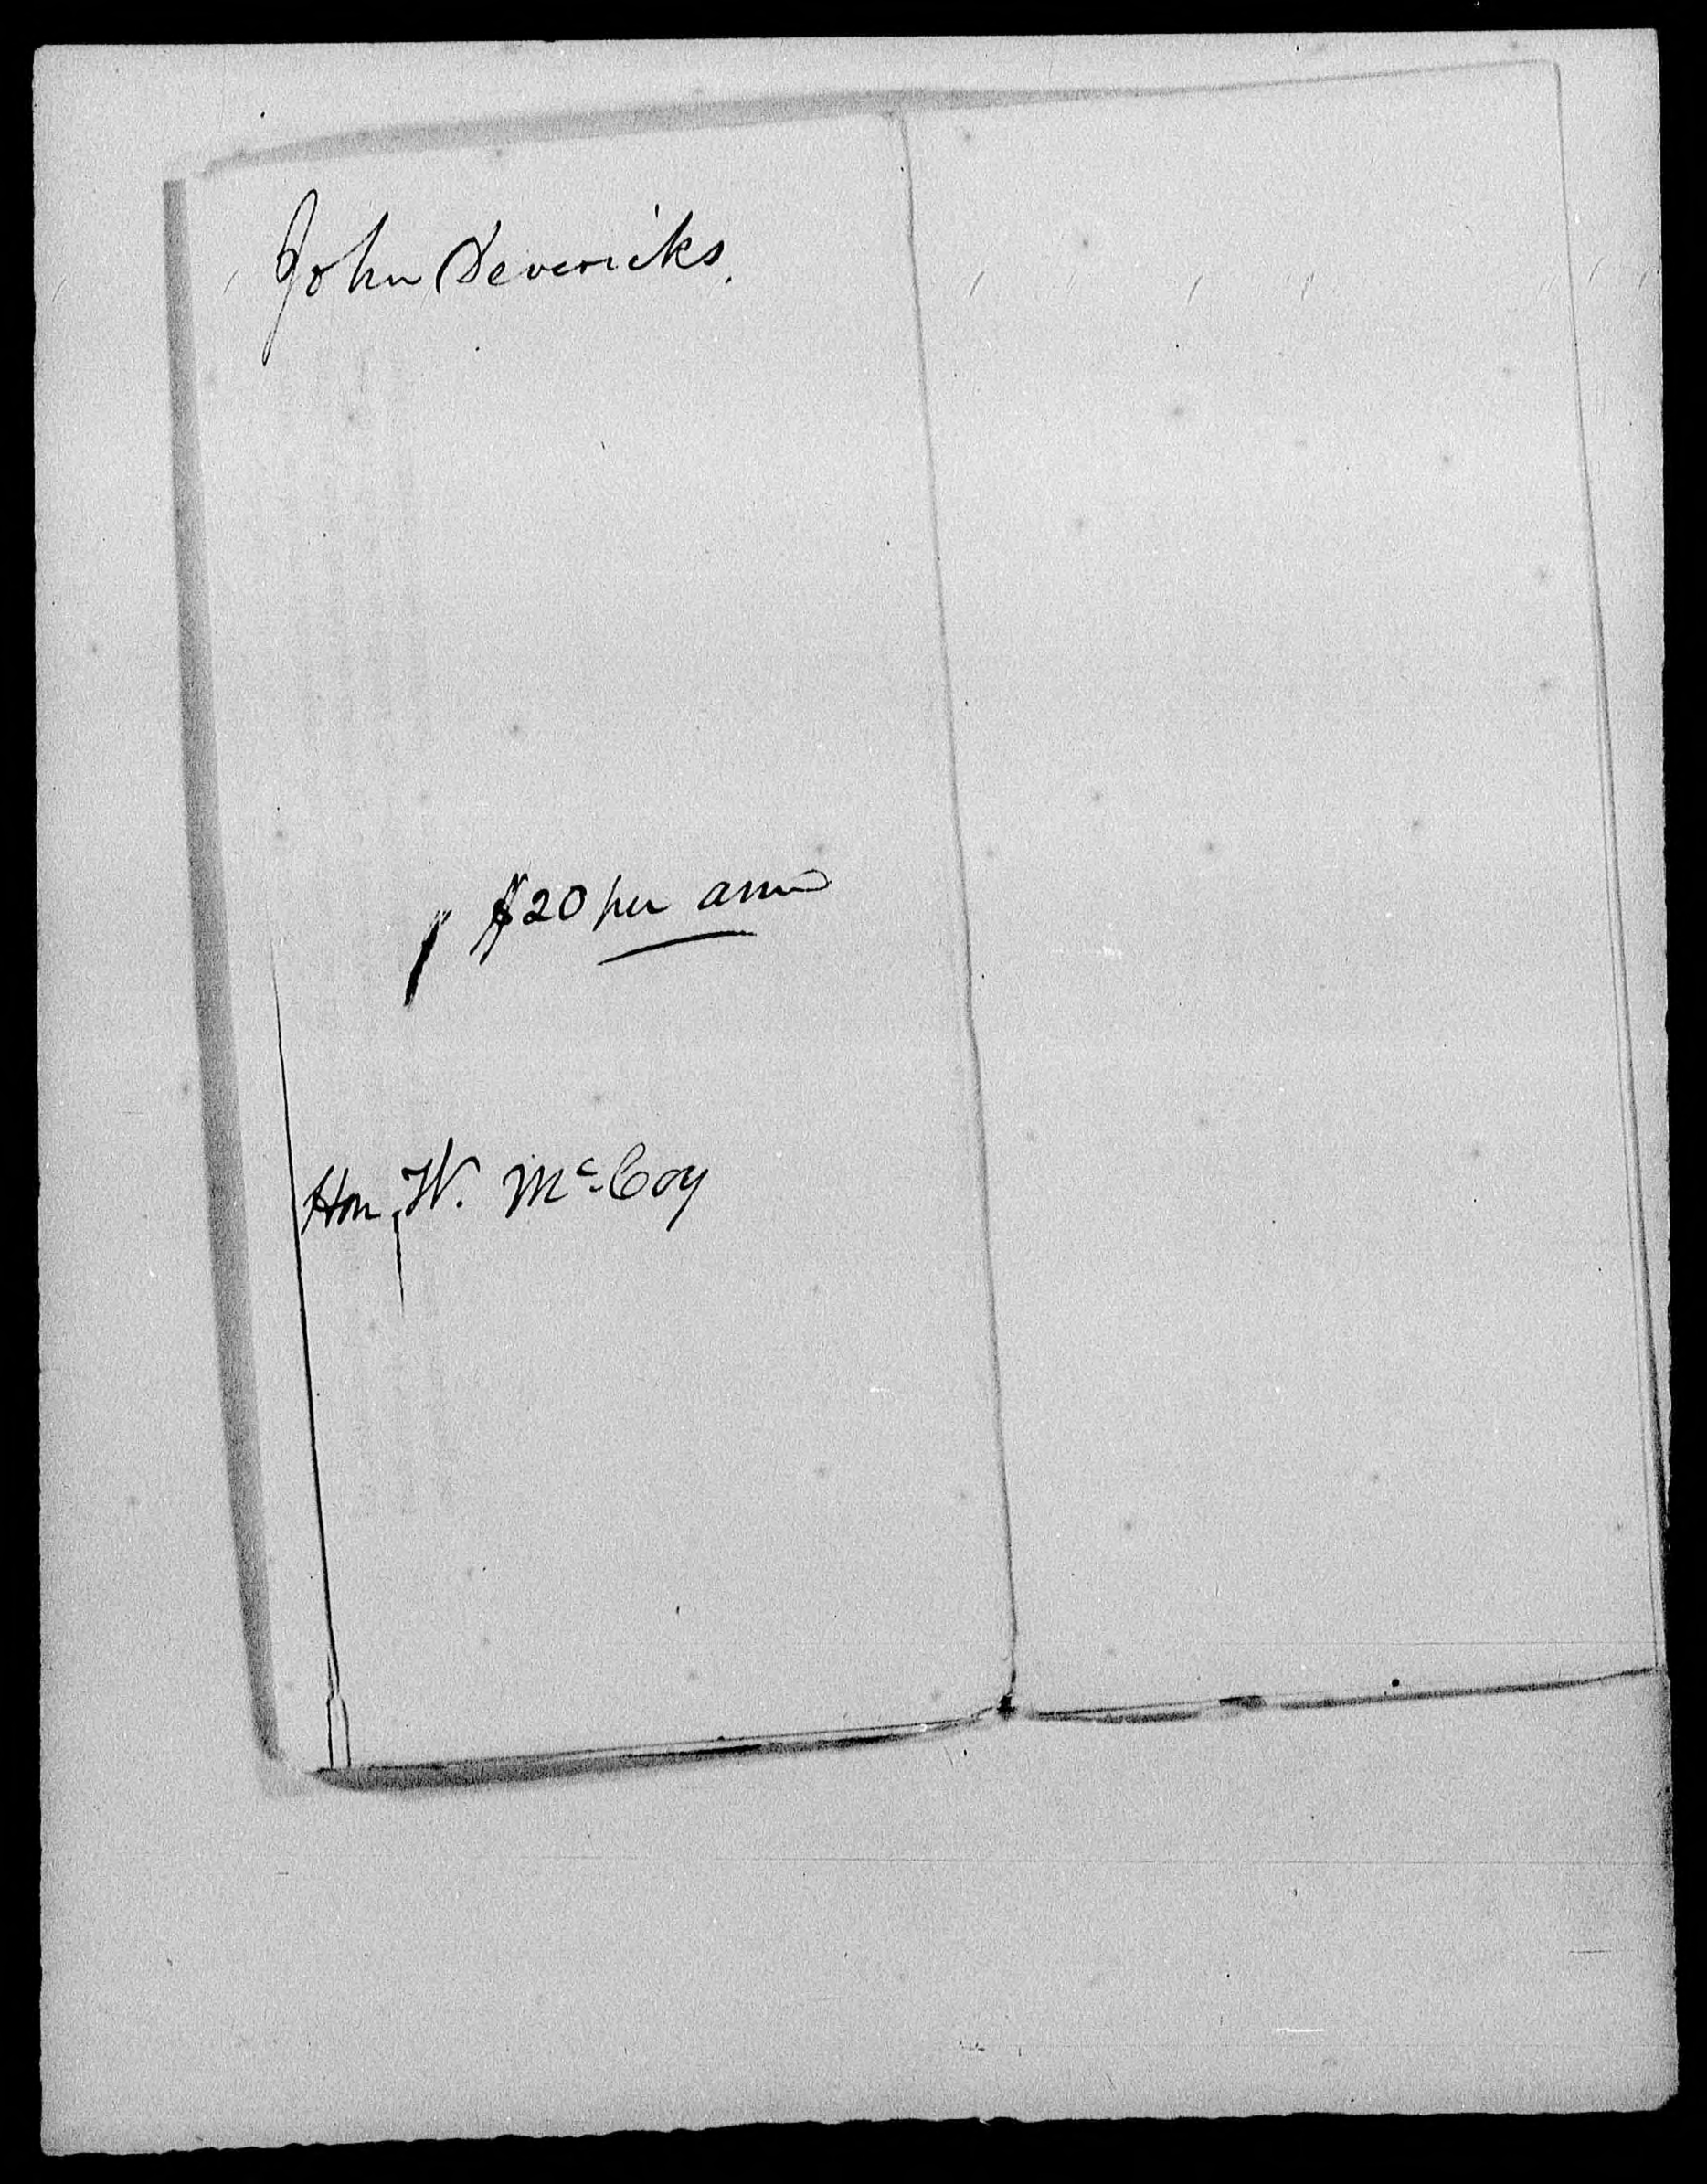John Devericks

$20 per am

Hon W. McCoy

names: W Mc Coy, John Devericks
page: 32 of 35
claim: widow's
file: W 7007, John Devericks, Va.